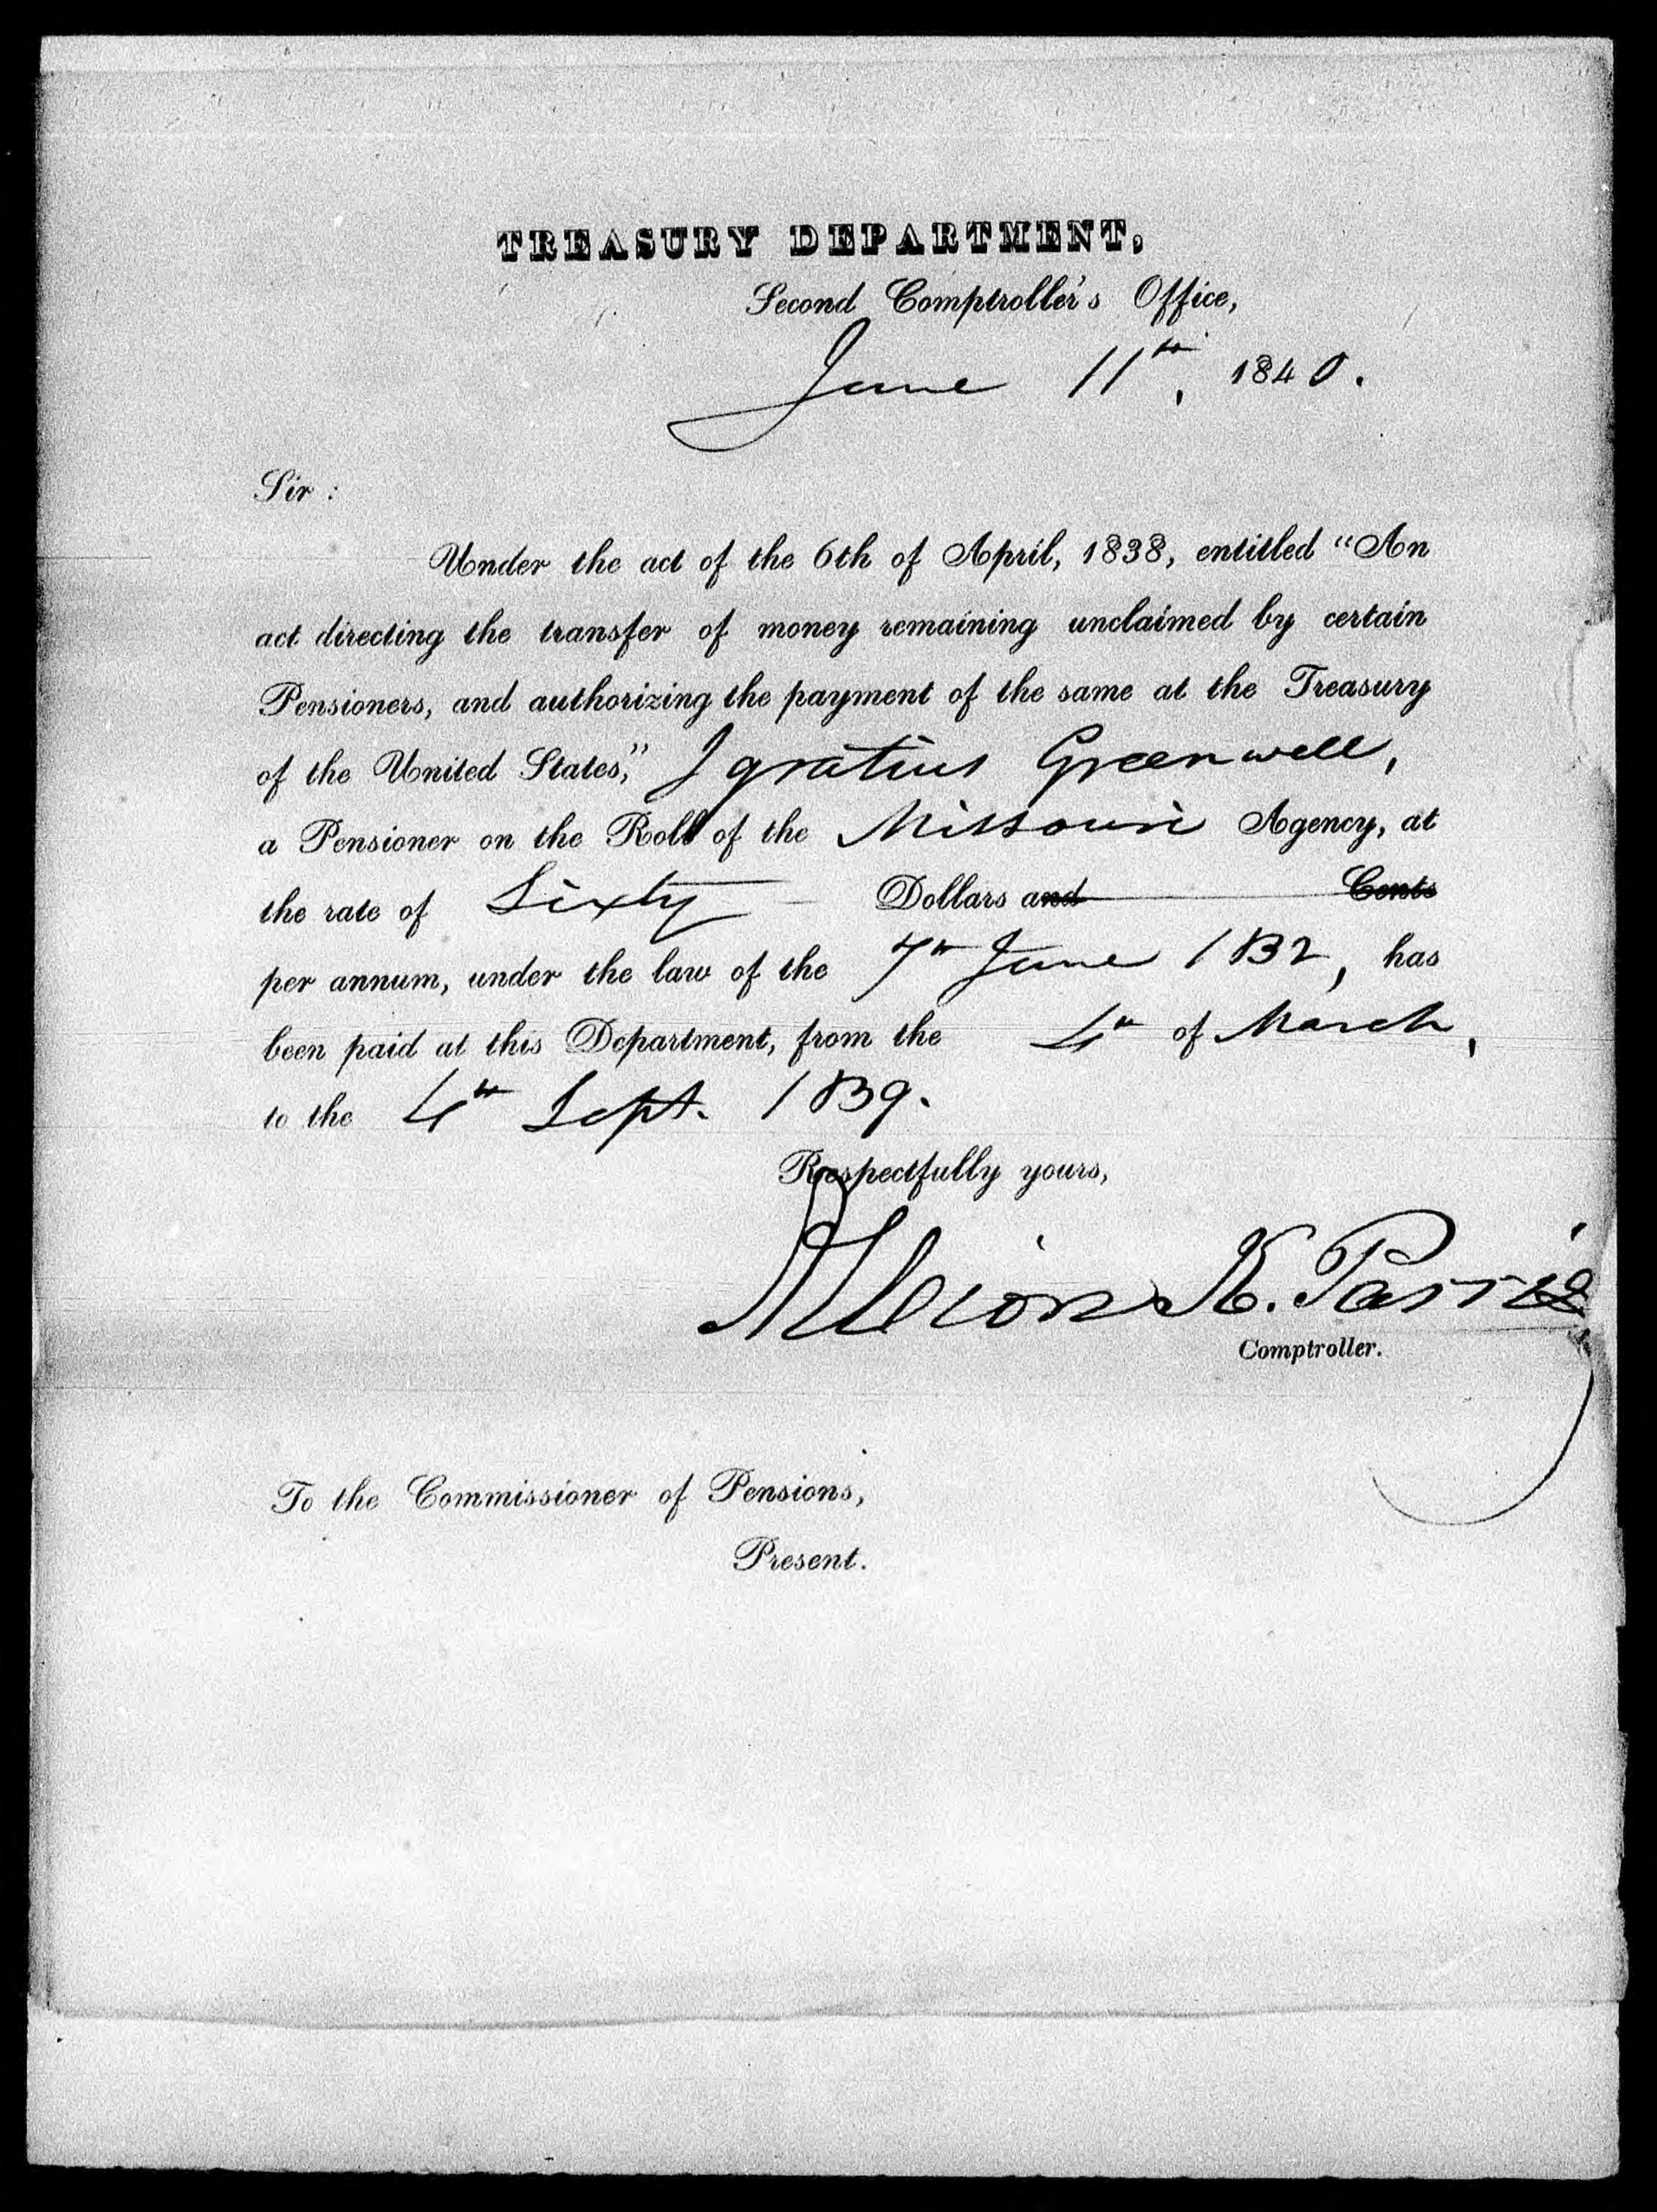TREASURY DEPARTMENT
Second Comptroller's Office
June 11th 1840

Sir:

Under the act of the 6th of April 1838, entitled "An act directing the transfer of money remaining unclaimed by certain pensioners, and authorizing the payment of the same at the Treasury of the United States." Ignatius Greenwell a pensioner on the roll of the Missouri Agency at the rate of sixty dollars and blank cents per annum under law of the 7th June 1832 has been paid at this Department, from the 4th of March to the 4th of Sept 1839.

Respectfully yours,

Albion K Parris
Comptroller

To the Commissioner of Pensions
Present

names: Ignatius Greenwell, Albion K Parris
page: 18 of 19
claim: survivor's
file: S. 16836, Ignatus Greenwell, Md.